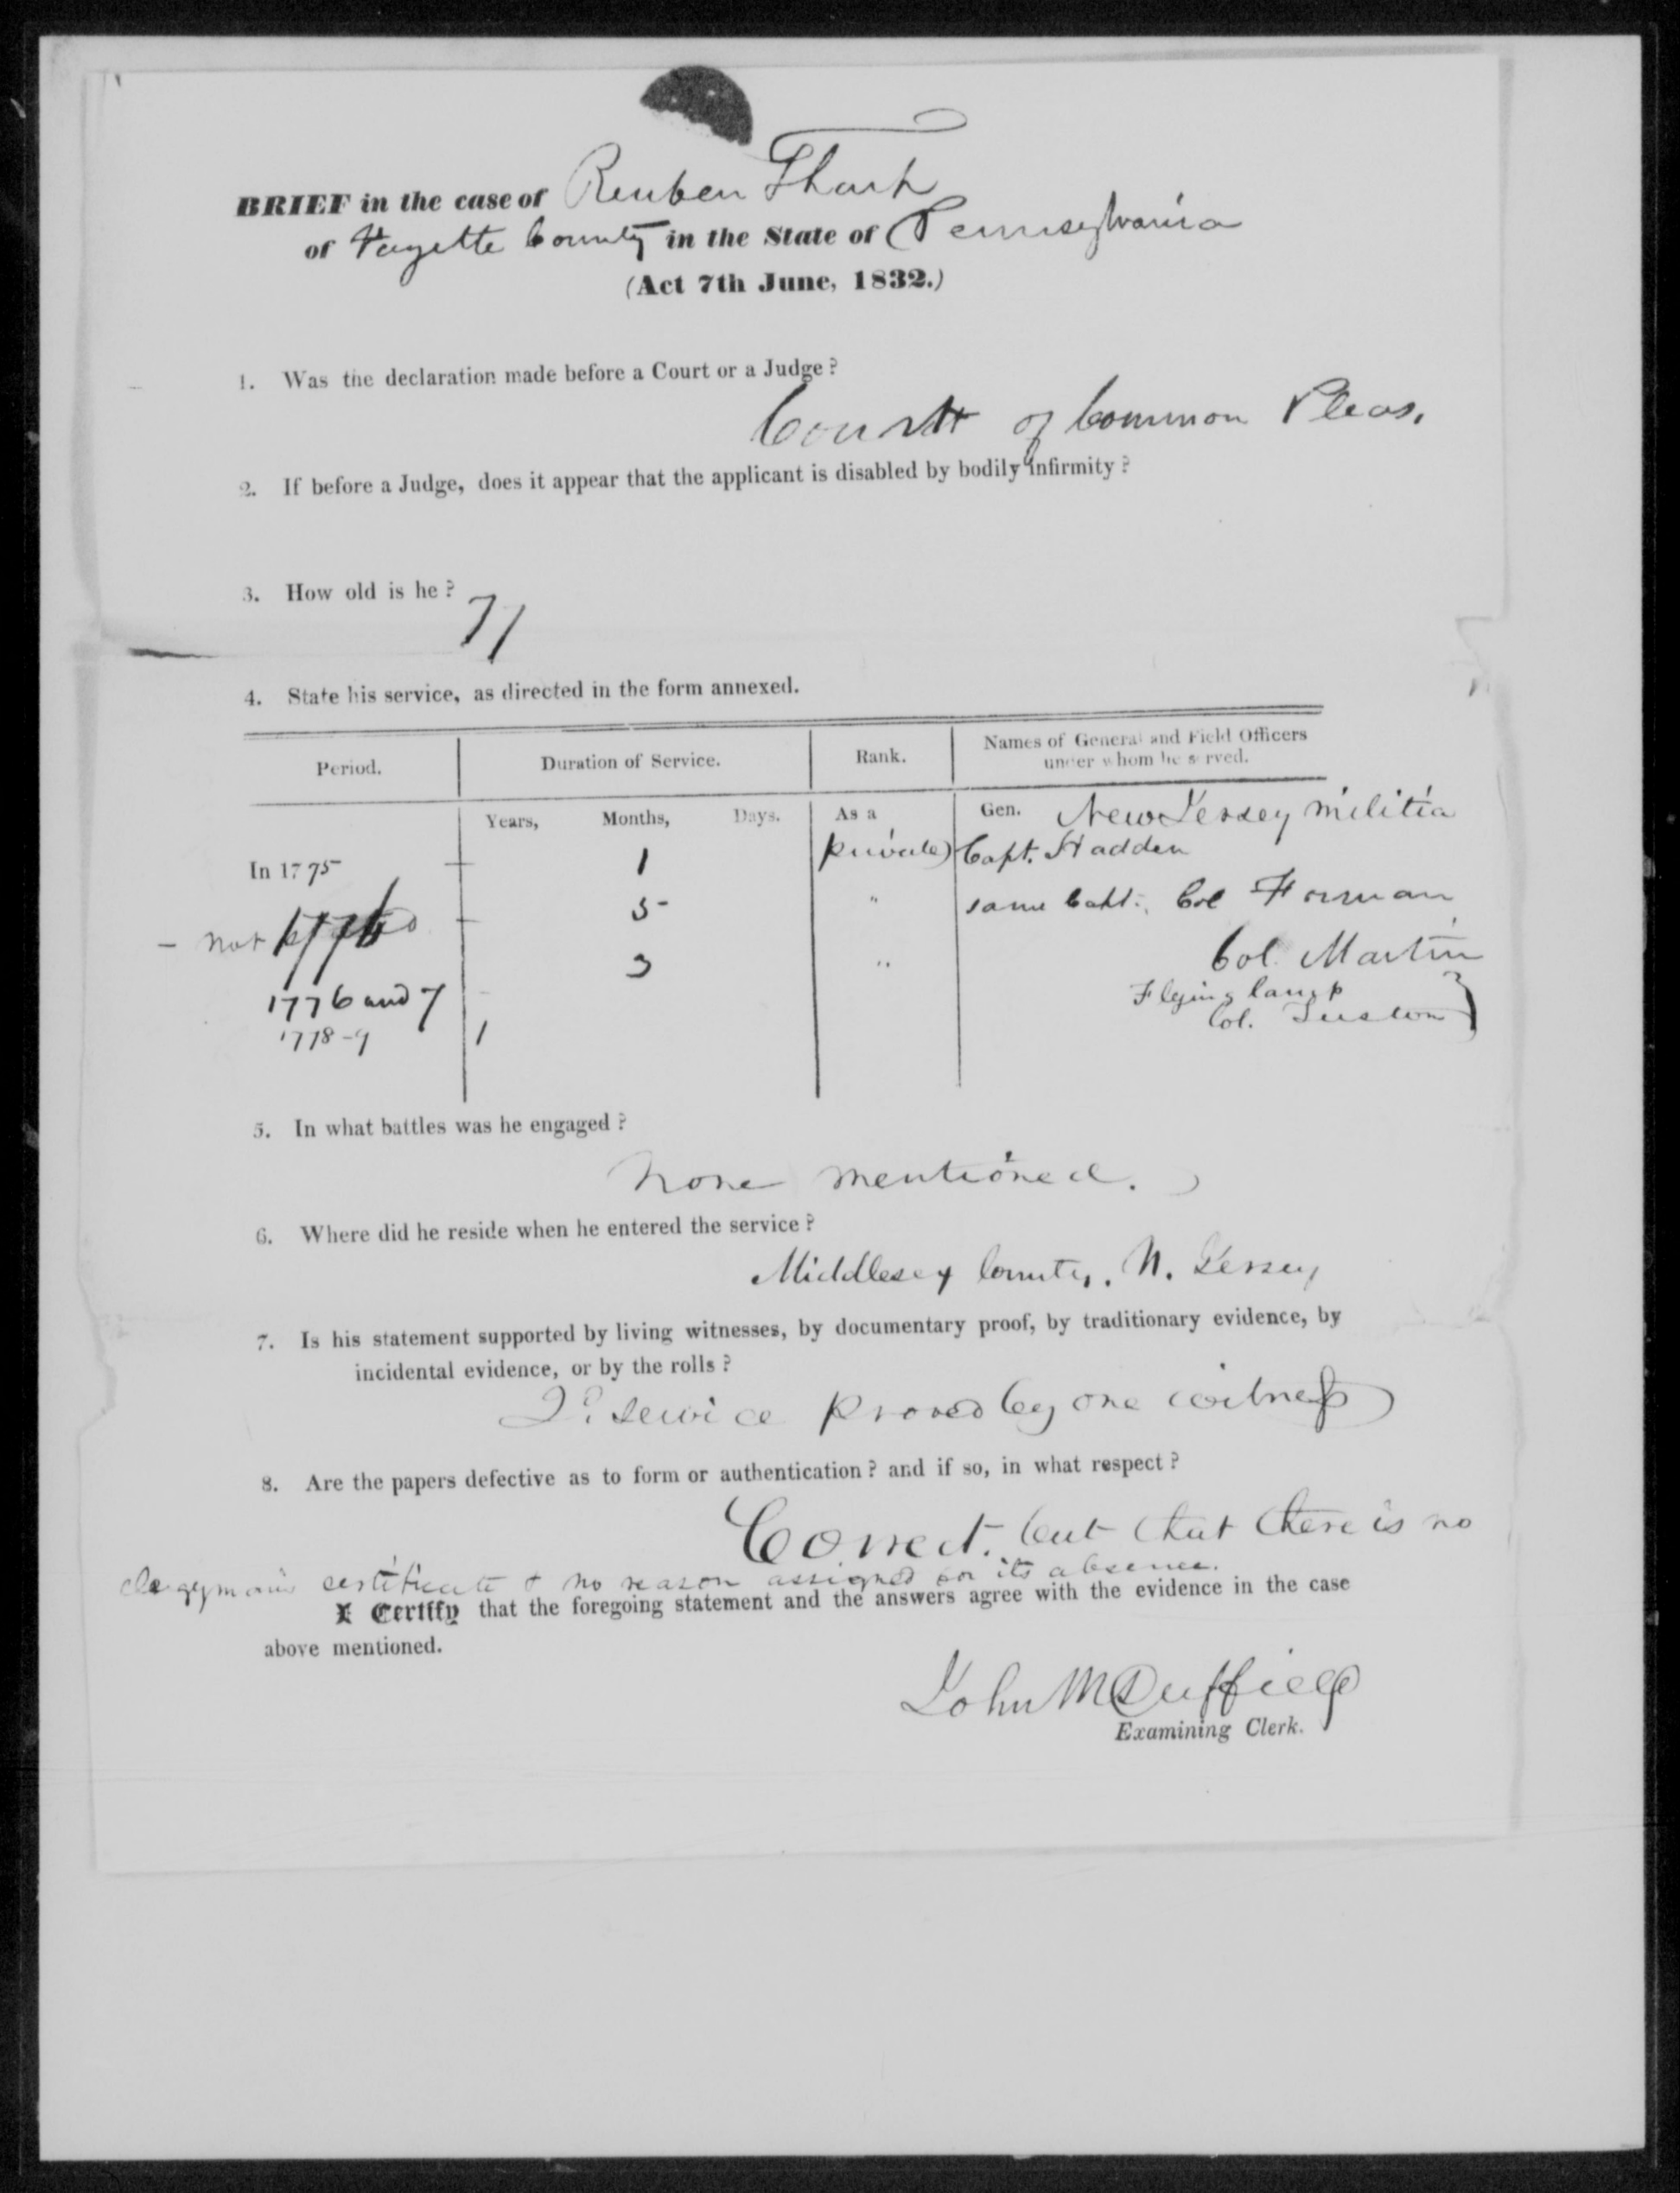BRIEF in the case of Reuben Thorp
of Fayette County in the State of Pennsylvania
(Act 7th June, 1832.)
1. Was the declaration made before a Court or a Judge?
Court of Common Pleas,
2. If before a Judge, does it appear that the applicant is disabled by bodily infirmity?
3. How old is he? 71
4. State his service, as directed in the form annexed.
[beginning of chart][first column][header] Period.
In 1775
not [overwritten] 1776
1776 and 7
1778 -9
[second column][header] Duration of Service.
Years,
-
-
-
1
Months,
1
5
3
Days,
[third column][header] Rank
Private
[fourth column][header] Names of General and Field Officers
under whom he served.
Gen. 
New Jersey Militia
Capt. Hadden
same Capt. Col. Forman
Col. Martin
Flying lamp
Col. Tuston
[end of chart]
5. In what battles was he engaged?
None mentioned
6. Where did he reside when he entered the service?
Middlesex County N. Jersey
7. Is his statement supported by living witnesses, by documentary proof, by traditionary evidence, by
incidental evidence, or by the rolls?
2d service proved by one witness
8. Are the papers defective as to form or authentication? and if so, in what respect?
Correct, but that there is no
certificate of no reason assigned for its absence.
certify that the foregoing statement and the answers agree with the evidence in the case
above mentioned.
John M Duffield
Examining Clerk.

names: [BLANK] Tuston; [BLANK] Martin; John M Duffield; [BLANK] Forman; Reuben Tharp; [BLANK] Hadden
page: 4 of 28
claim: survivor's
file: S. 6229, for Reuben Thorp, New Jersey